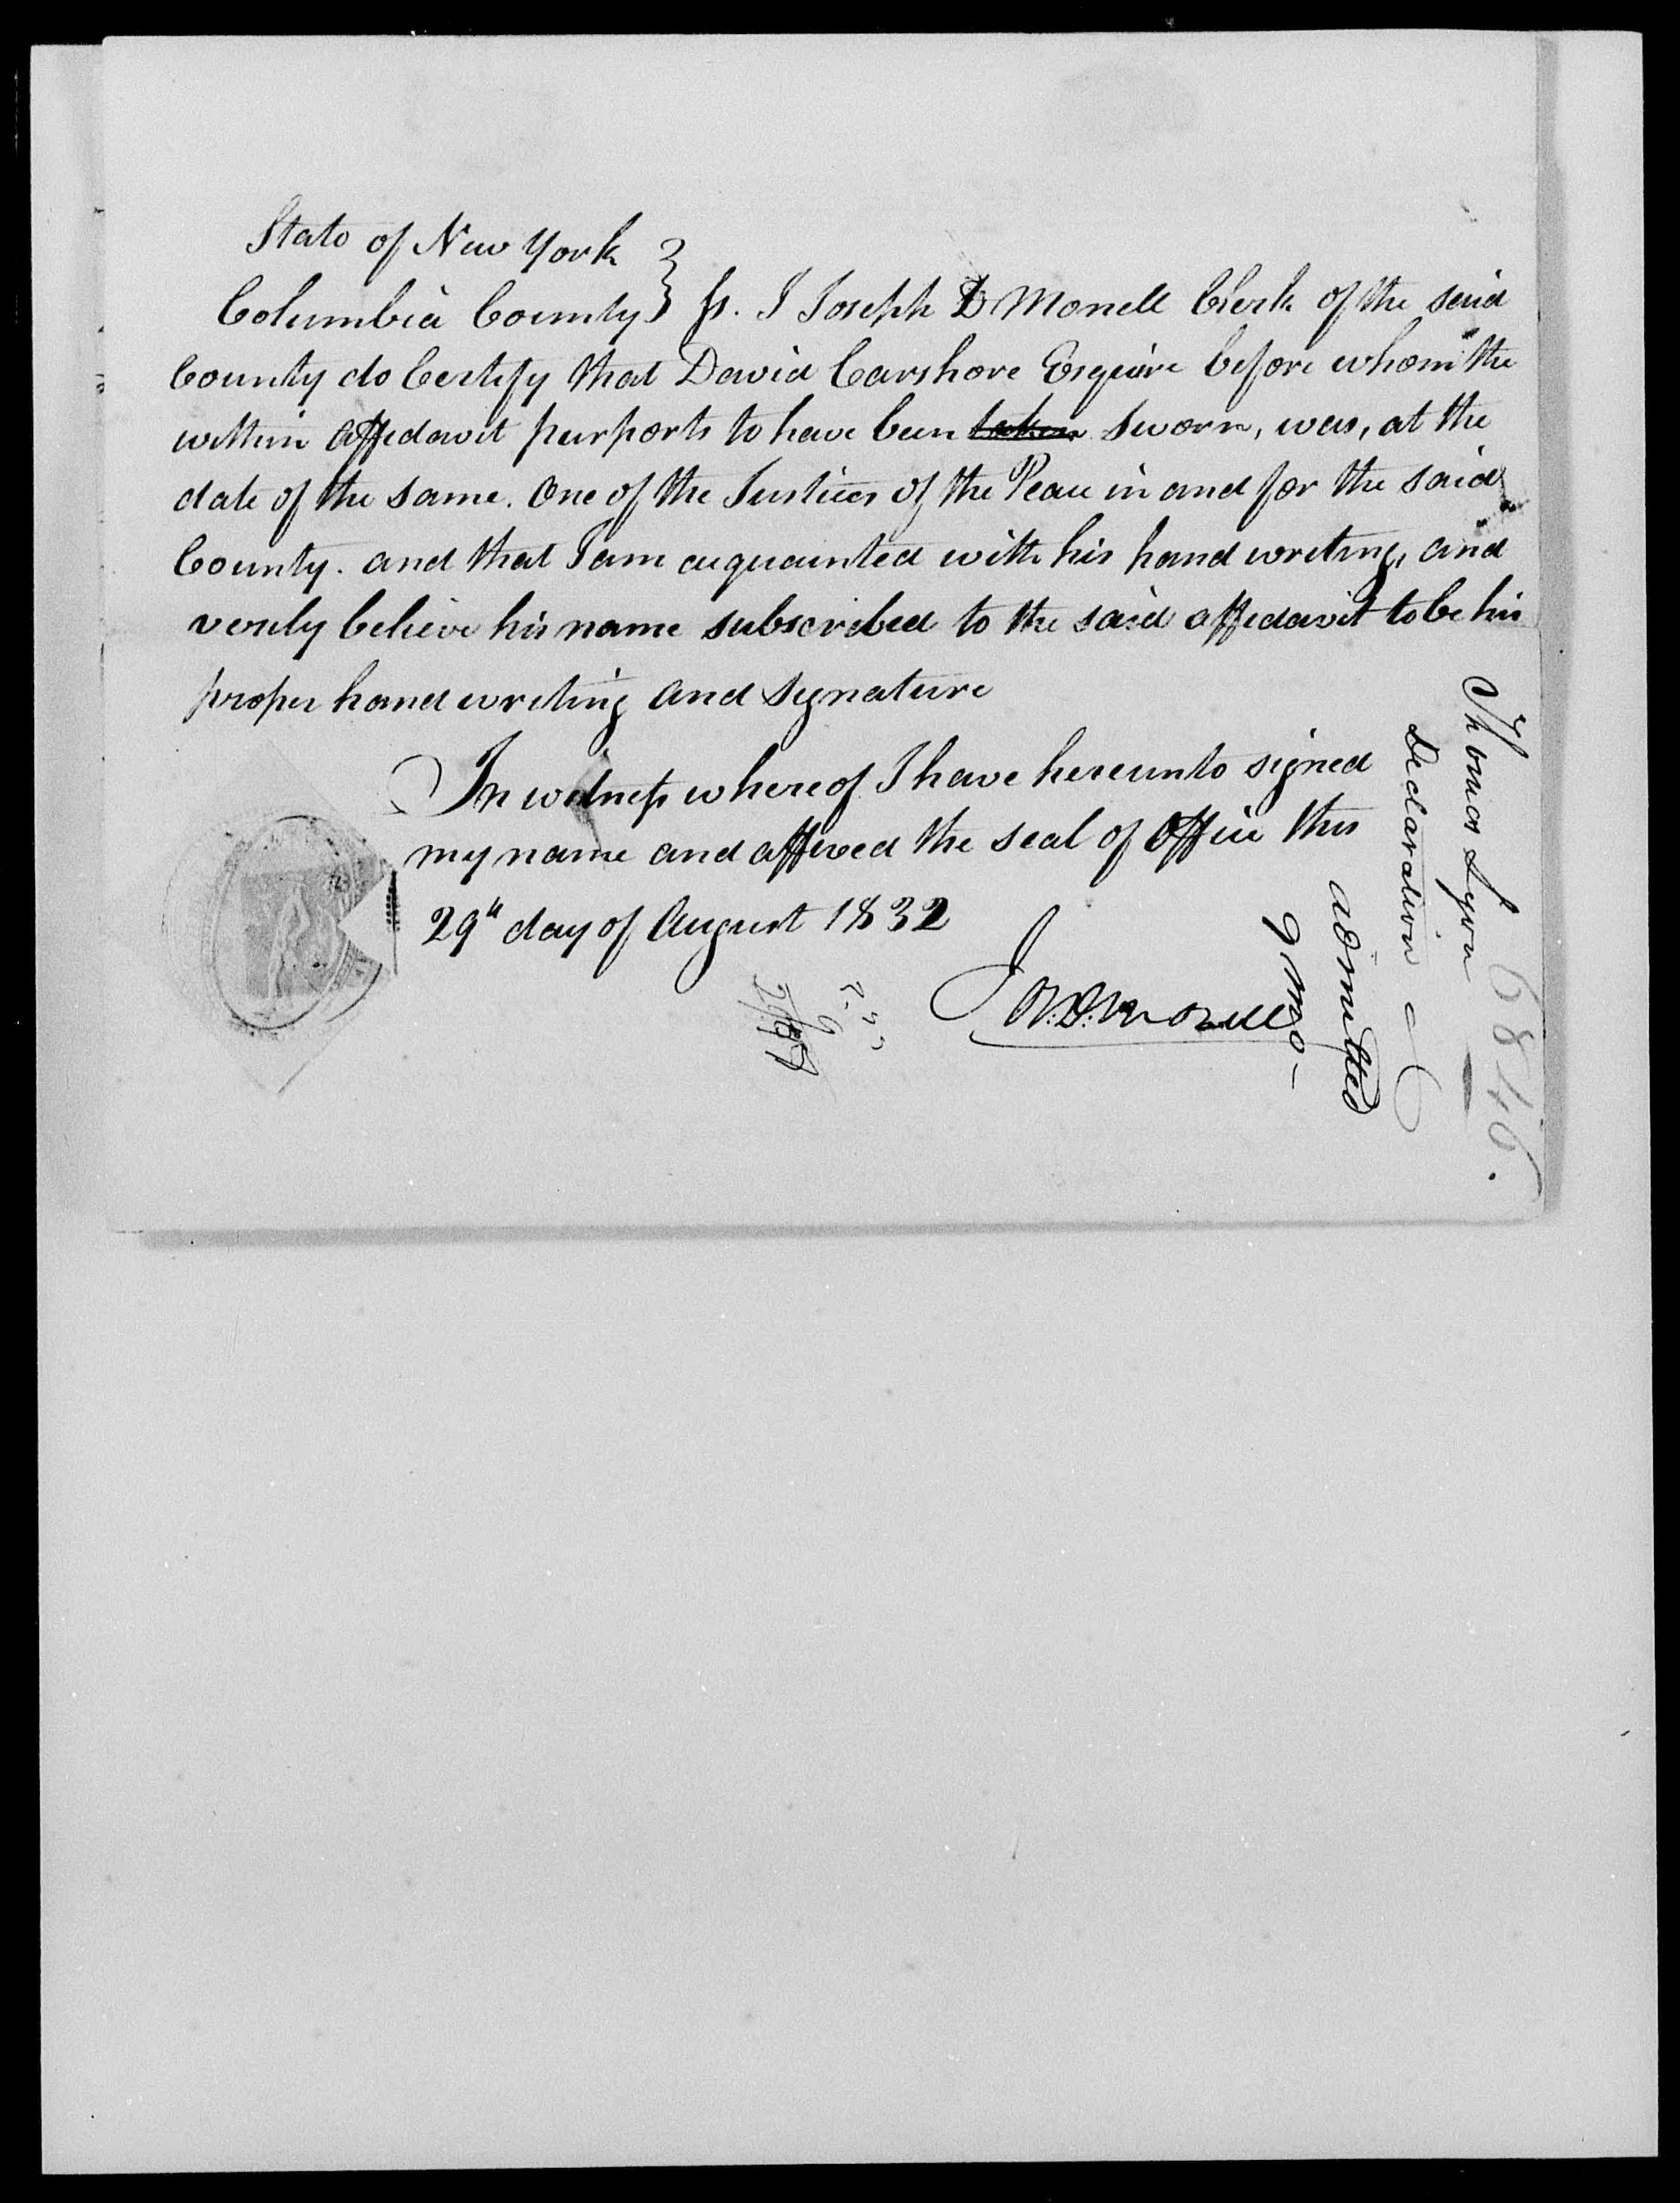State of New York
Columbia County ss. I Joseph D Monell Clerk of the said County do certify that David Carshore Esquire before whom the within affidavit purports to have been sworn, was, at the date of the same. One of the Justices of the Peace in and for the said County and that I am acquainted with his hand writing, and
verily believe his name subscribed to the said affidavit to be his proper hand writing and signature
In witness whereof I have hereunto signed
my name and affixed the seal of Office this
29th day of August 1832
Jos D. Morell

6846
Thomas Lyon
Declaration
admitted 
9 mo-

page: 7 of 28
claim: survivor's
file: S. 21,872, for Thomas Lyon, New York